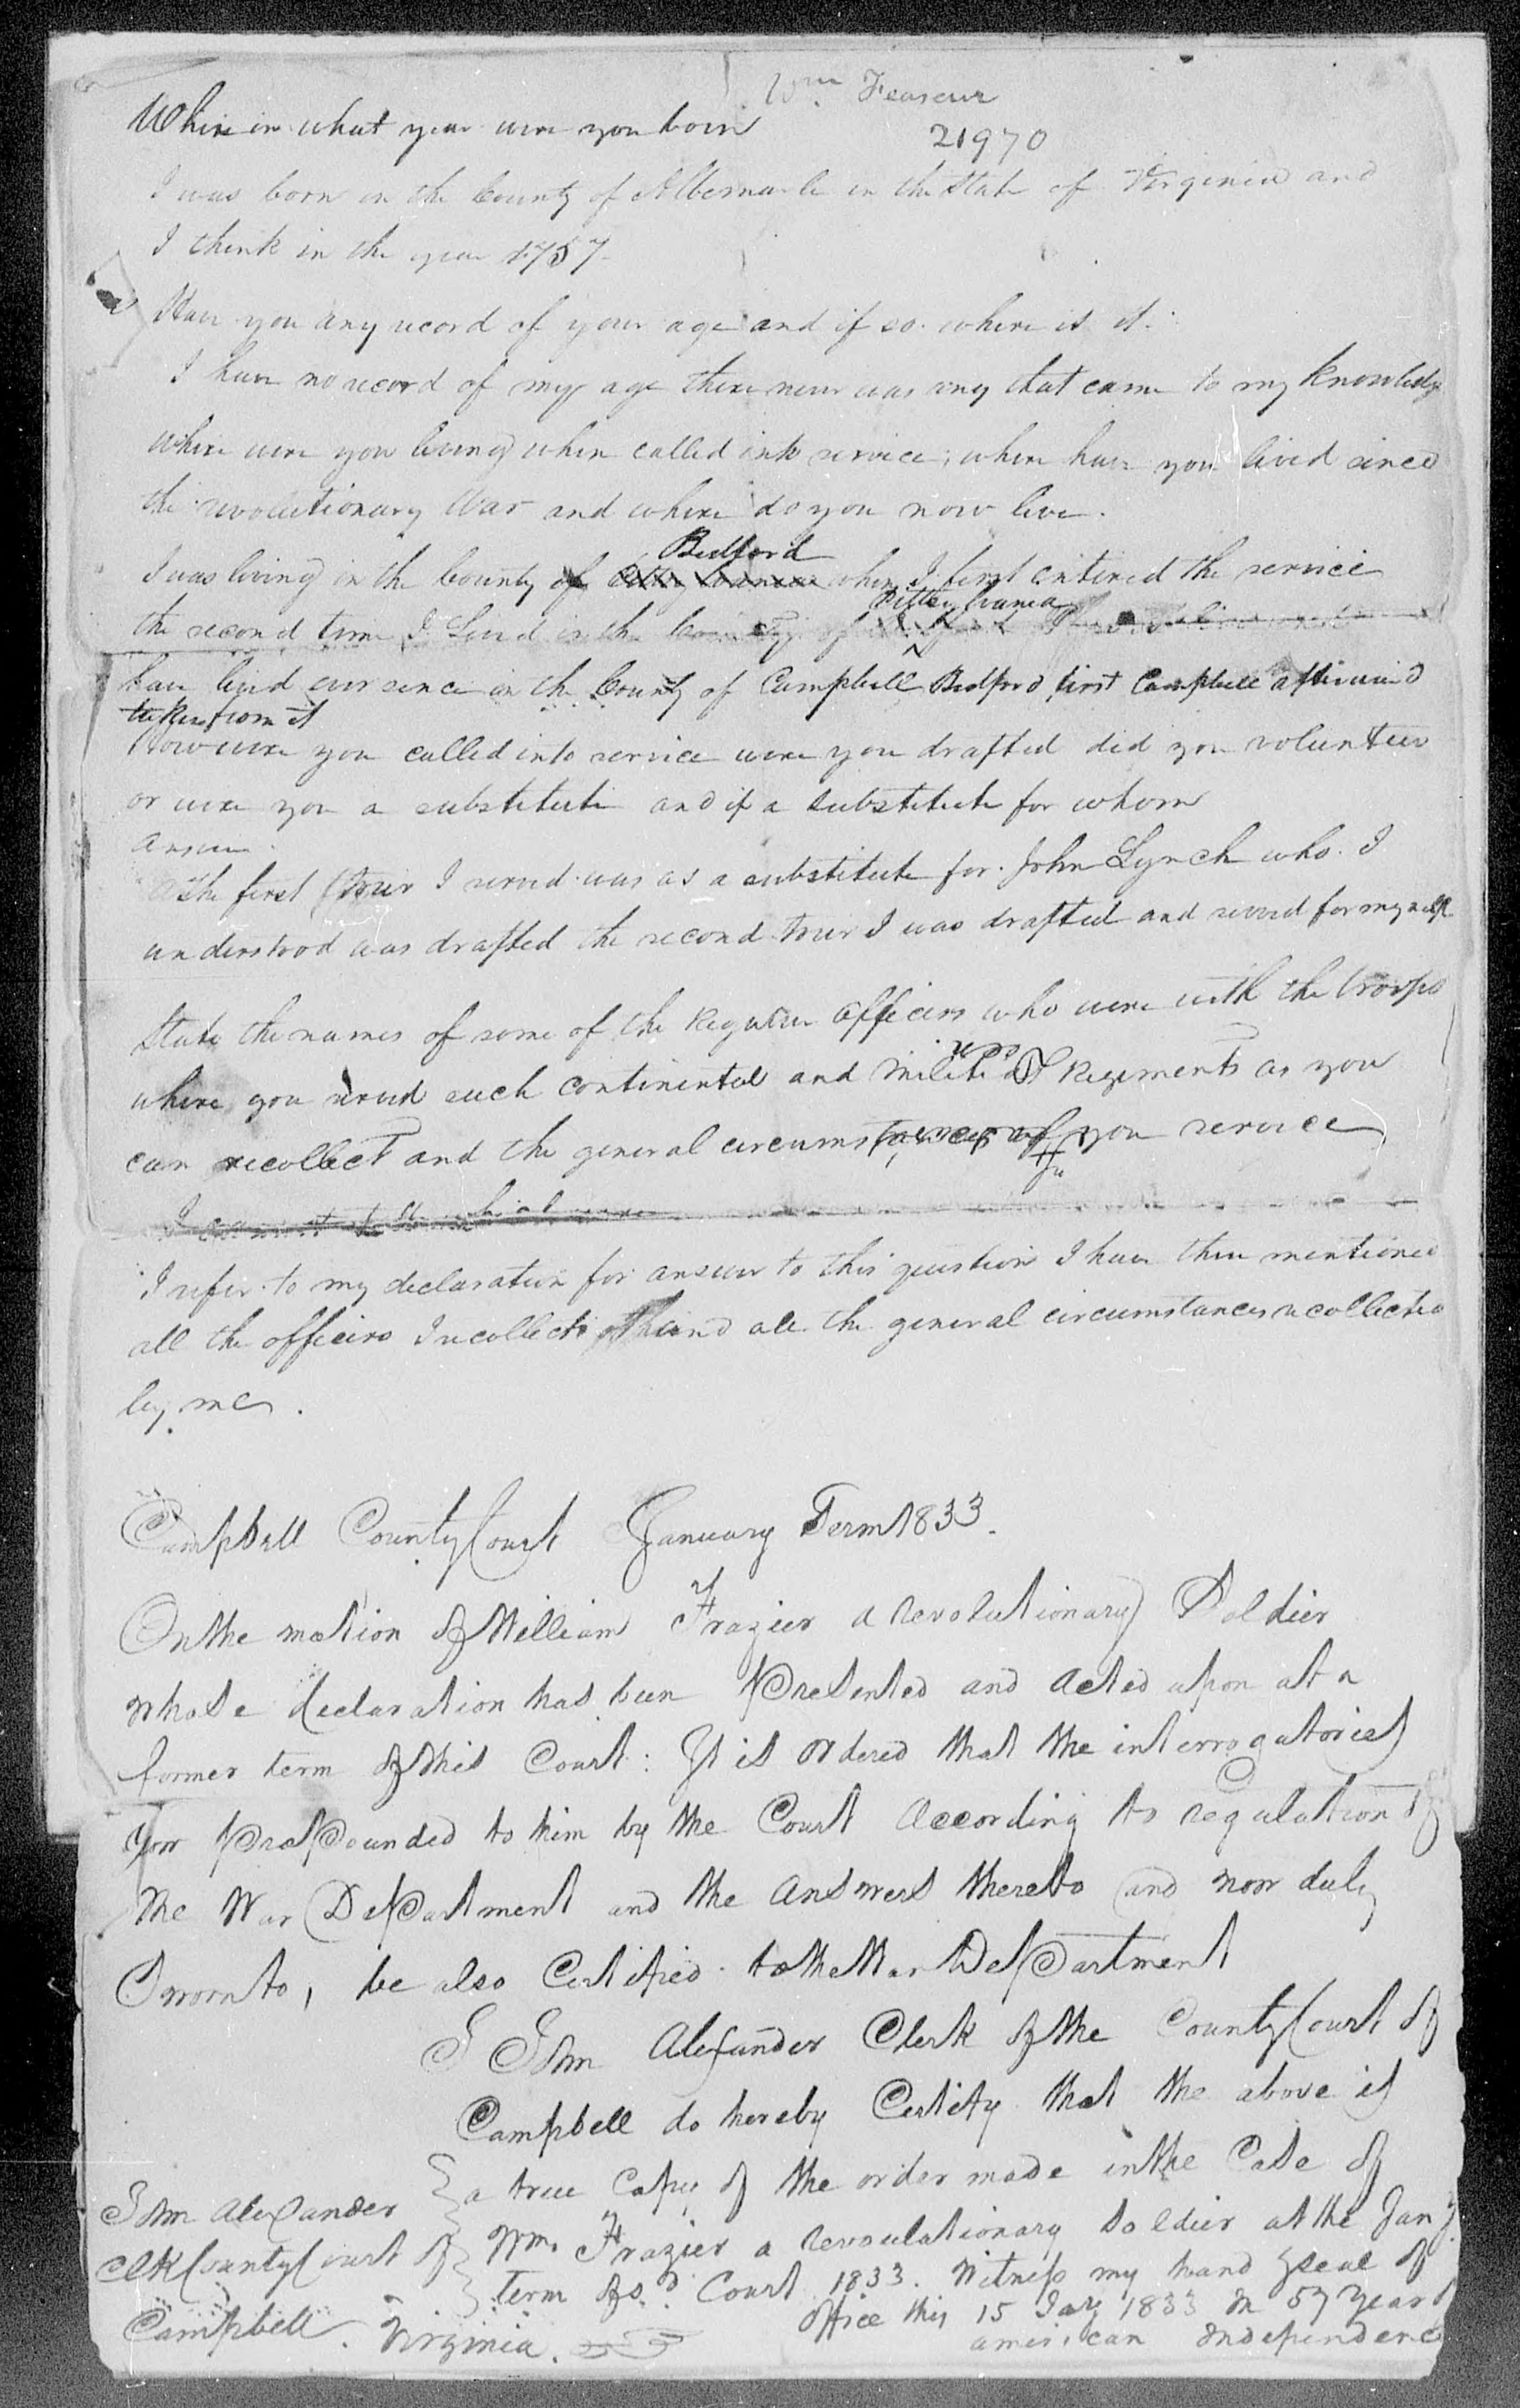W Frazier 

21970 

Where in what year were you born

I was born in the County of Albemarle in the State of Virginia and I think in the year 1757. 

Have you any record of your age and if so where is it

I have no record of my age there never was any that came to my knowledge

Where were you living when called into service; where have you lived since the revolutionary War and where do you now live

I was living in the County of Bedford [illegible words crossed out] when I first entered the service the second time I lived in the County of Pittsylvania [illegible] have lived [illegible] in the County of Campbell Bedford first Campbell afterward taken from it 

How were you called into service were you drafted did you volunteer or were you a substitute and if a substitute for whom 

annum 

The first tour I served was as a substitute for John Lynch who I understood was drafted the second tour I was drafted and served for my [illegible] 

State the names of some of the Regular Officers who were with the troops where you served such continental and militia of Regiments as you can recollect and the general circumstances of you service 

[Fold in page leaves the line illegible] 

I refer to my declaration for answer to this question I have then mentioned all the officers I recollect and all the general circumstances recollected by me. 

Campbell County Court January Term 1833. 

On the motion of William Frazier a Revolutionary Soldier whose declaration has been presented and acted upon at a former term of this Court. It is ordered that the interrogatories you propounded to him by the Court according to regulation of the War Department and the answers thereto and now duly Sworn to, be also certified to the War Department 

J John Alexander Clerk of the County Court of Campbell to hereby certify that the above is a true copy of the order made in the Case of Wm. Frazier a Revolutionary Soldier at the Jany Term [illegible] Court 1833. Witness my hand seal of office this 15 Jany 1833 on 57 years of american Independence. 

John Alexander 

[Illegible] County Court of Campbell Virginia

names: John Alexander, Wm Frazier, Wm Frasier, William Frazier, John Alexander, John Lynch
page: 5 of 13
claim: survivor's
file: S. 17966, William Frazier, Va.